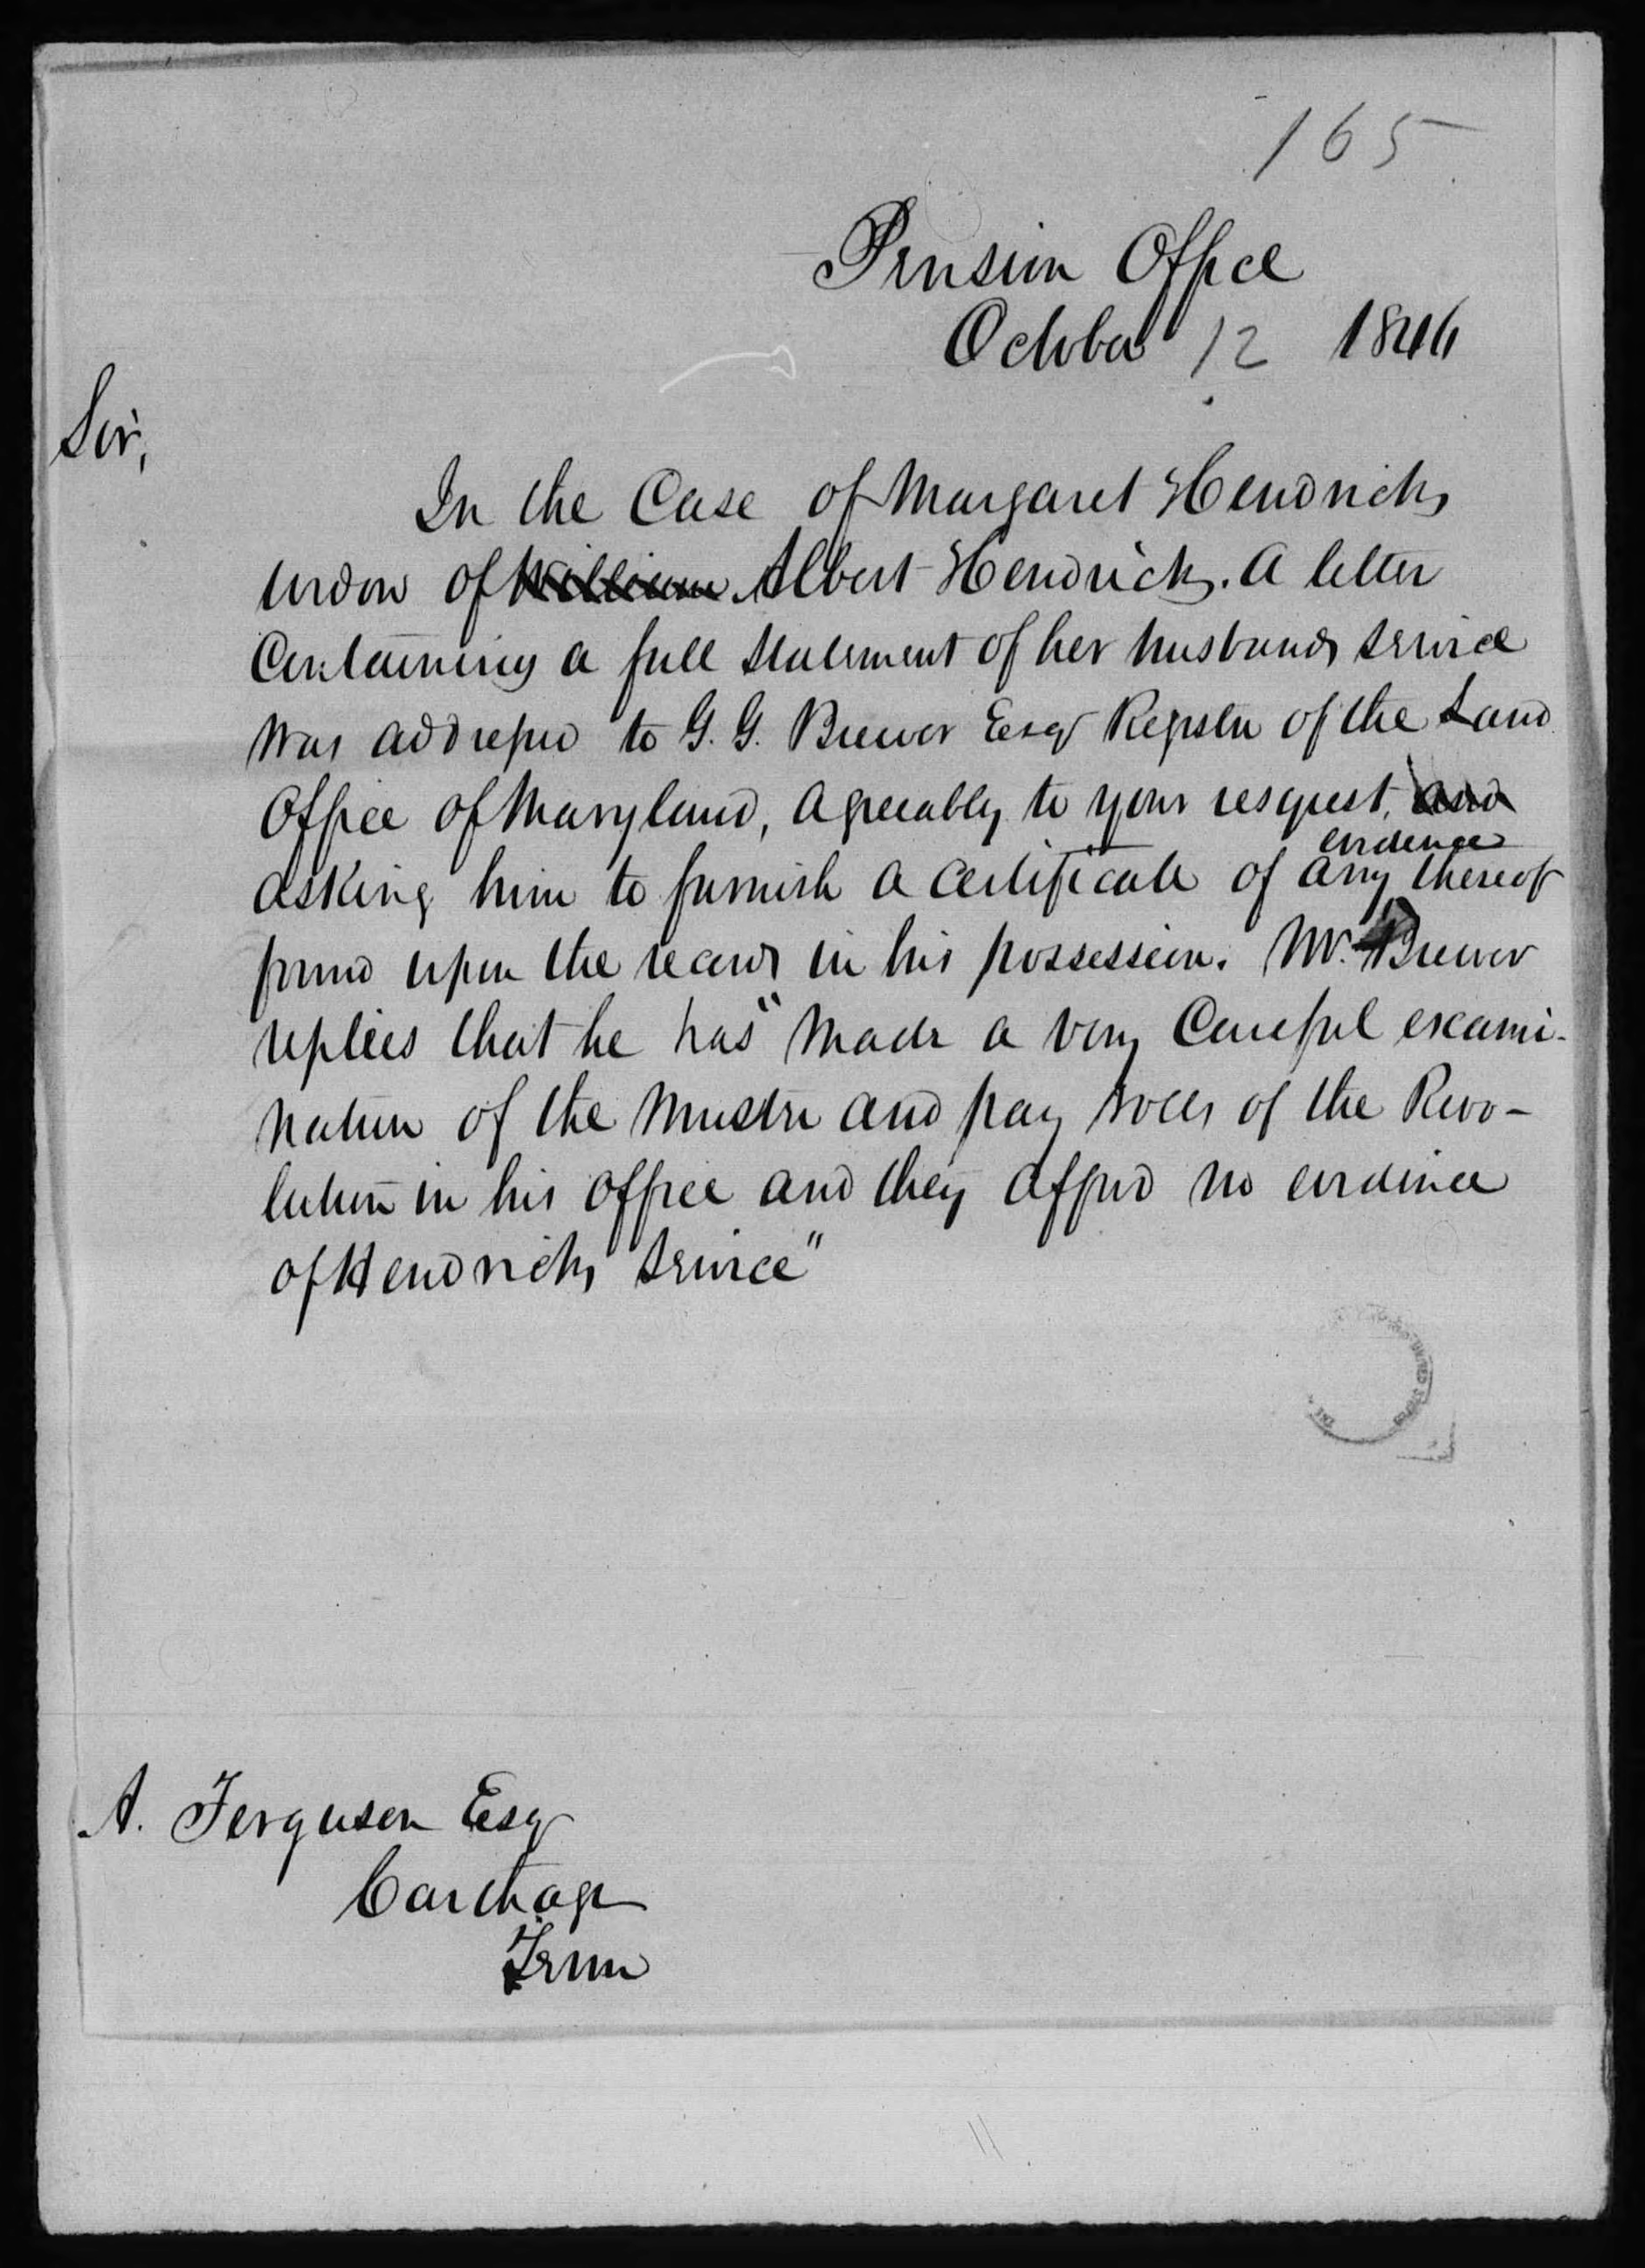165
Pension Office
October 12 1846

Sir,

  In the Case of Margaret Hendricks widow of Albert Hendricks.  A letter containing a full statement of her husbands service was addressed to G.G. Brewer Esq Register of the Land Office of Maryland, agreeably to your request asking him to furnish a certificate of any evidence thereof found upon the record in his possession.  Mr. Brewer replies that he has "made a very careful examination of the muster and pay rolls of the Revolution in his office and they afford no evidence of Hendricks service"

A. Ferguson Esq
Carthage
Tenn.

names: Albert Hendricks, Brewer, G G Brewer, Margaret Hendricks, A Ferguson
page: 41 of 76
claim: widow's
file: W. 83, Albert Hendricks, Continental Md. N.C.